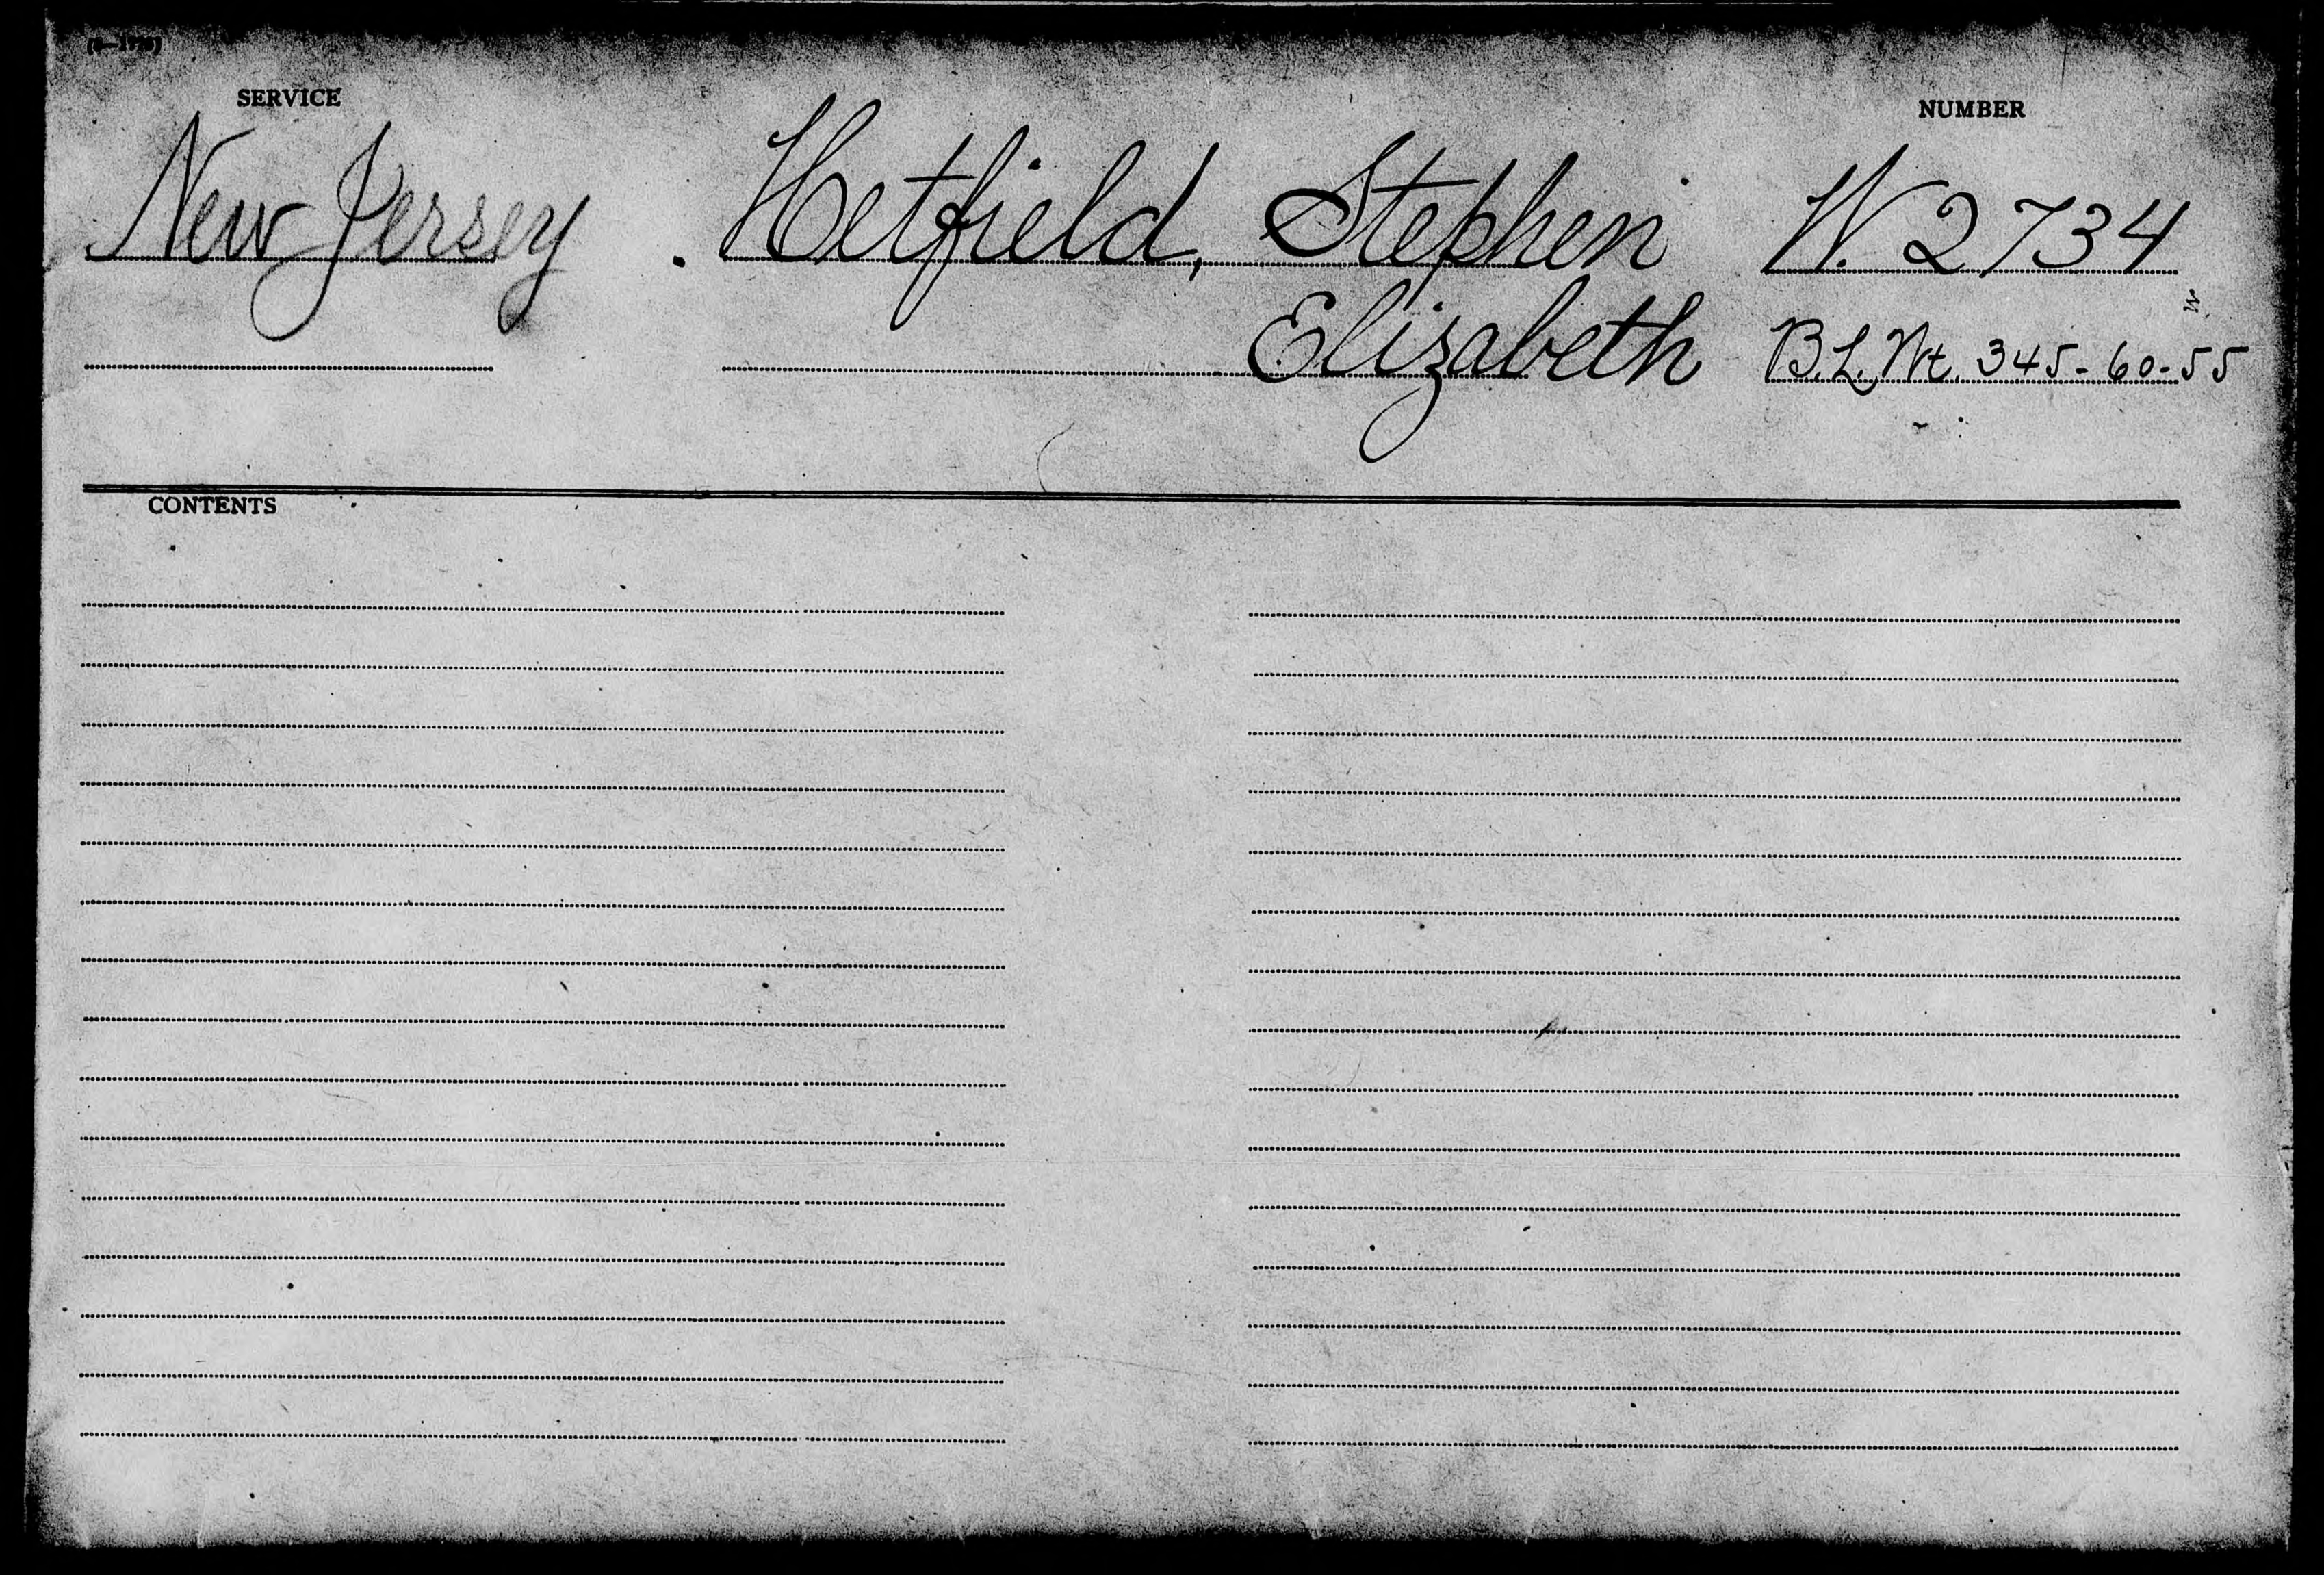Service                                                            Number

New Jersey      Hetfield, Stephen                   W.2734
                                     , Elizabeth                  B.L.Wt 345-60-55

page: 1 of 45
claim: widow's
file: W. 2734, Stephen Hetfield, New Jersey